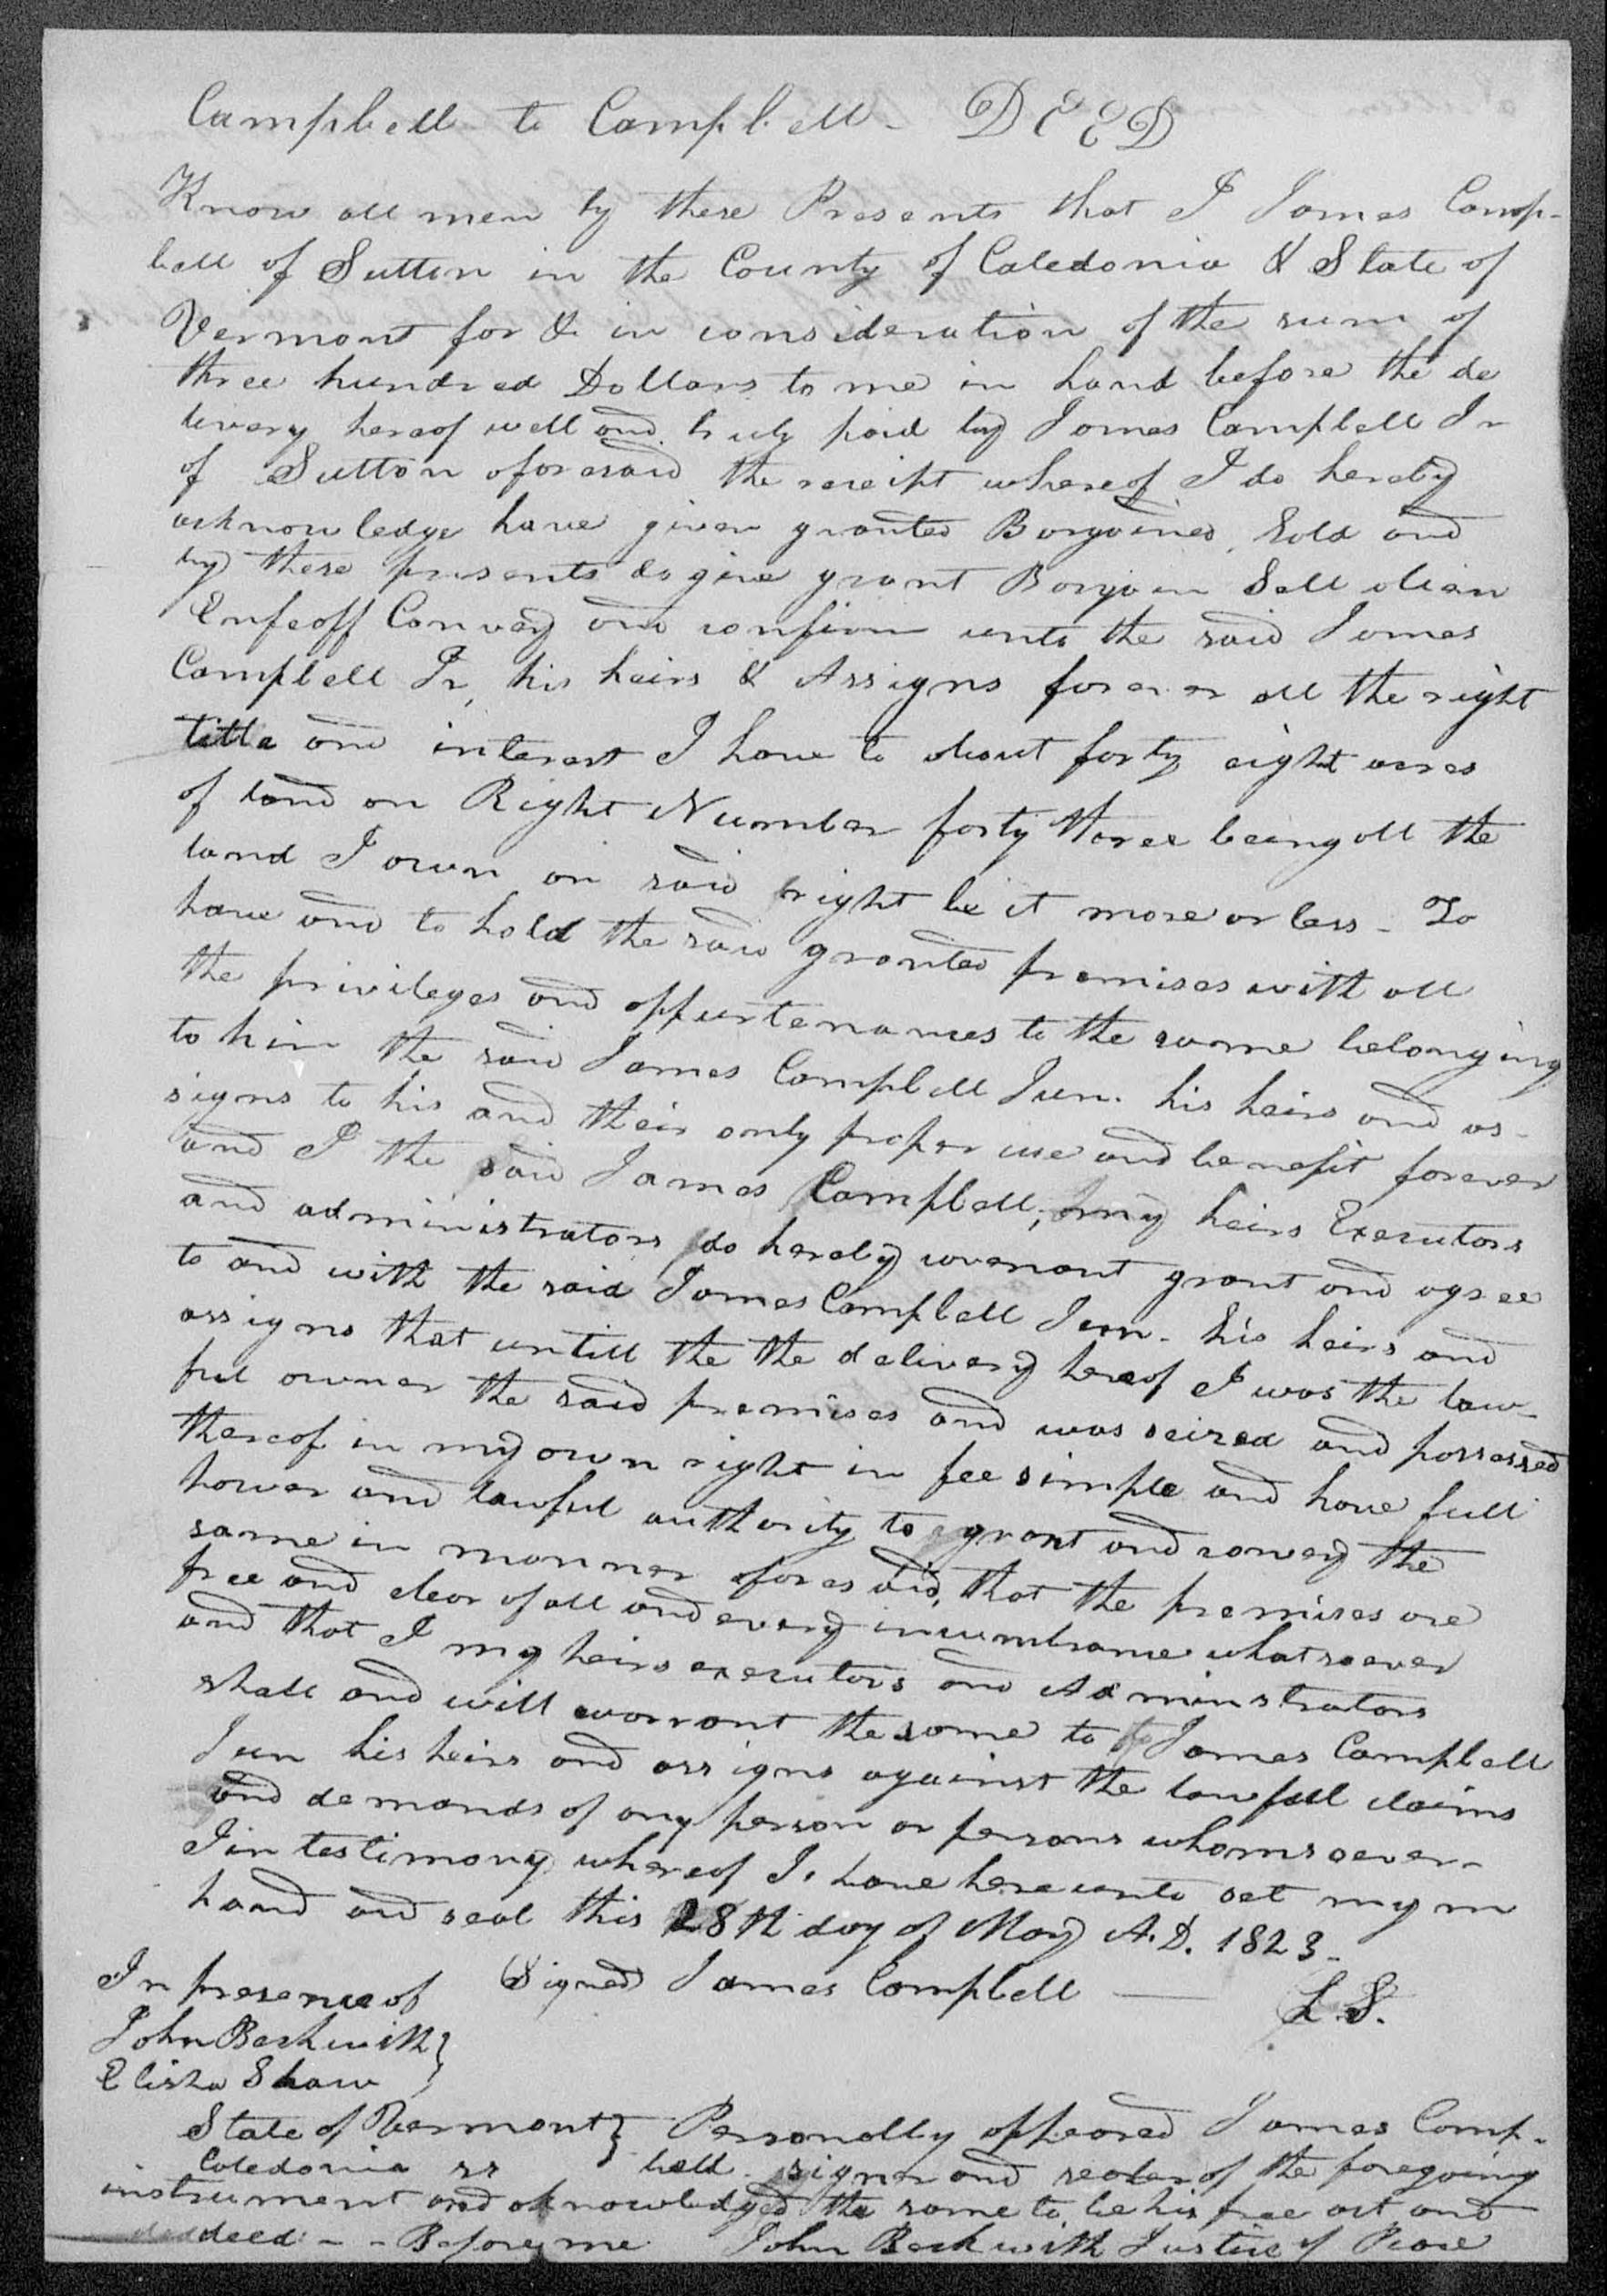Campbell to Campbell - DeeD

Know all men by these Presents that I James Campbell of Sutton in the County of Caledonia & State of Vermont for & in consideration of the sum of three hundred Dollars to me in hand before the delivery hereof well and truly paid by James Campbell Jr of Sutton aforesaid the receipt whereof I do hereby acknowledge have given granted Bargained, Sold and by these presents do give grant Bargain Sell [illegible] Enfeoff Convey and confirm unto the said James Campbell Jr. his heirs & Assigns forever all the right title and interest I have to about forty eight acres of land on Right Number forty three being all the land I own on said sight be it more or less. To have and to hold the said granted premises with all the privileges and appurtenances to the same belonging to him the said James Campbell Jun. his heirs and assigns to his and their only proper use and benefit forever and I the said James Campbell, my heirs Executors and administrators do hereby covenant grant and agree to and with the said James Campbell Junr. his heirs and assigns that untill (until) the the delivery hereof I was the lawful owner the said premises and was seized and possessed thereof in my own right in fee simple and have full power and lawful authority to grant and [illegible] the same in manner foresaid, that the premises are free and clear of all and every incumbrance whatsoever shall and will warrant the same to James Campbell Jun his heirs and assigns against the lawful claims and demands of any person or persons whomsoever -
In testimony whereof I have hereunto set my in hand and seal this 28th day of May A.D. 1823 -
Signed James Campbell -   L. S.

In presence of 
John Beckwith}
Elisha Shaw}
State of Vermont} 
Caledonia ss} Personally appeared James Campbell signer and reader of the foregoing instrument and acknowledged the same to be his free act and deed- Before me
John Beckwith Justice of Peace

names: James Campbell, James Campbell, James Campbell, James Campbell, James Campbell, James Campbell, John Beckwith, James Campbell, James Campbell, Elisha Shaw, Campbell, James Campbell, Campbell, John Beckwith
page: 52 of 67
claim: widow's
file: W. 23772, James Campbell, Continental Mass.